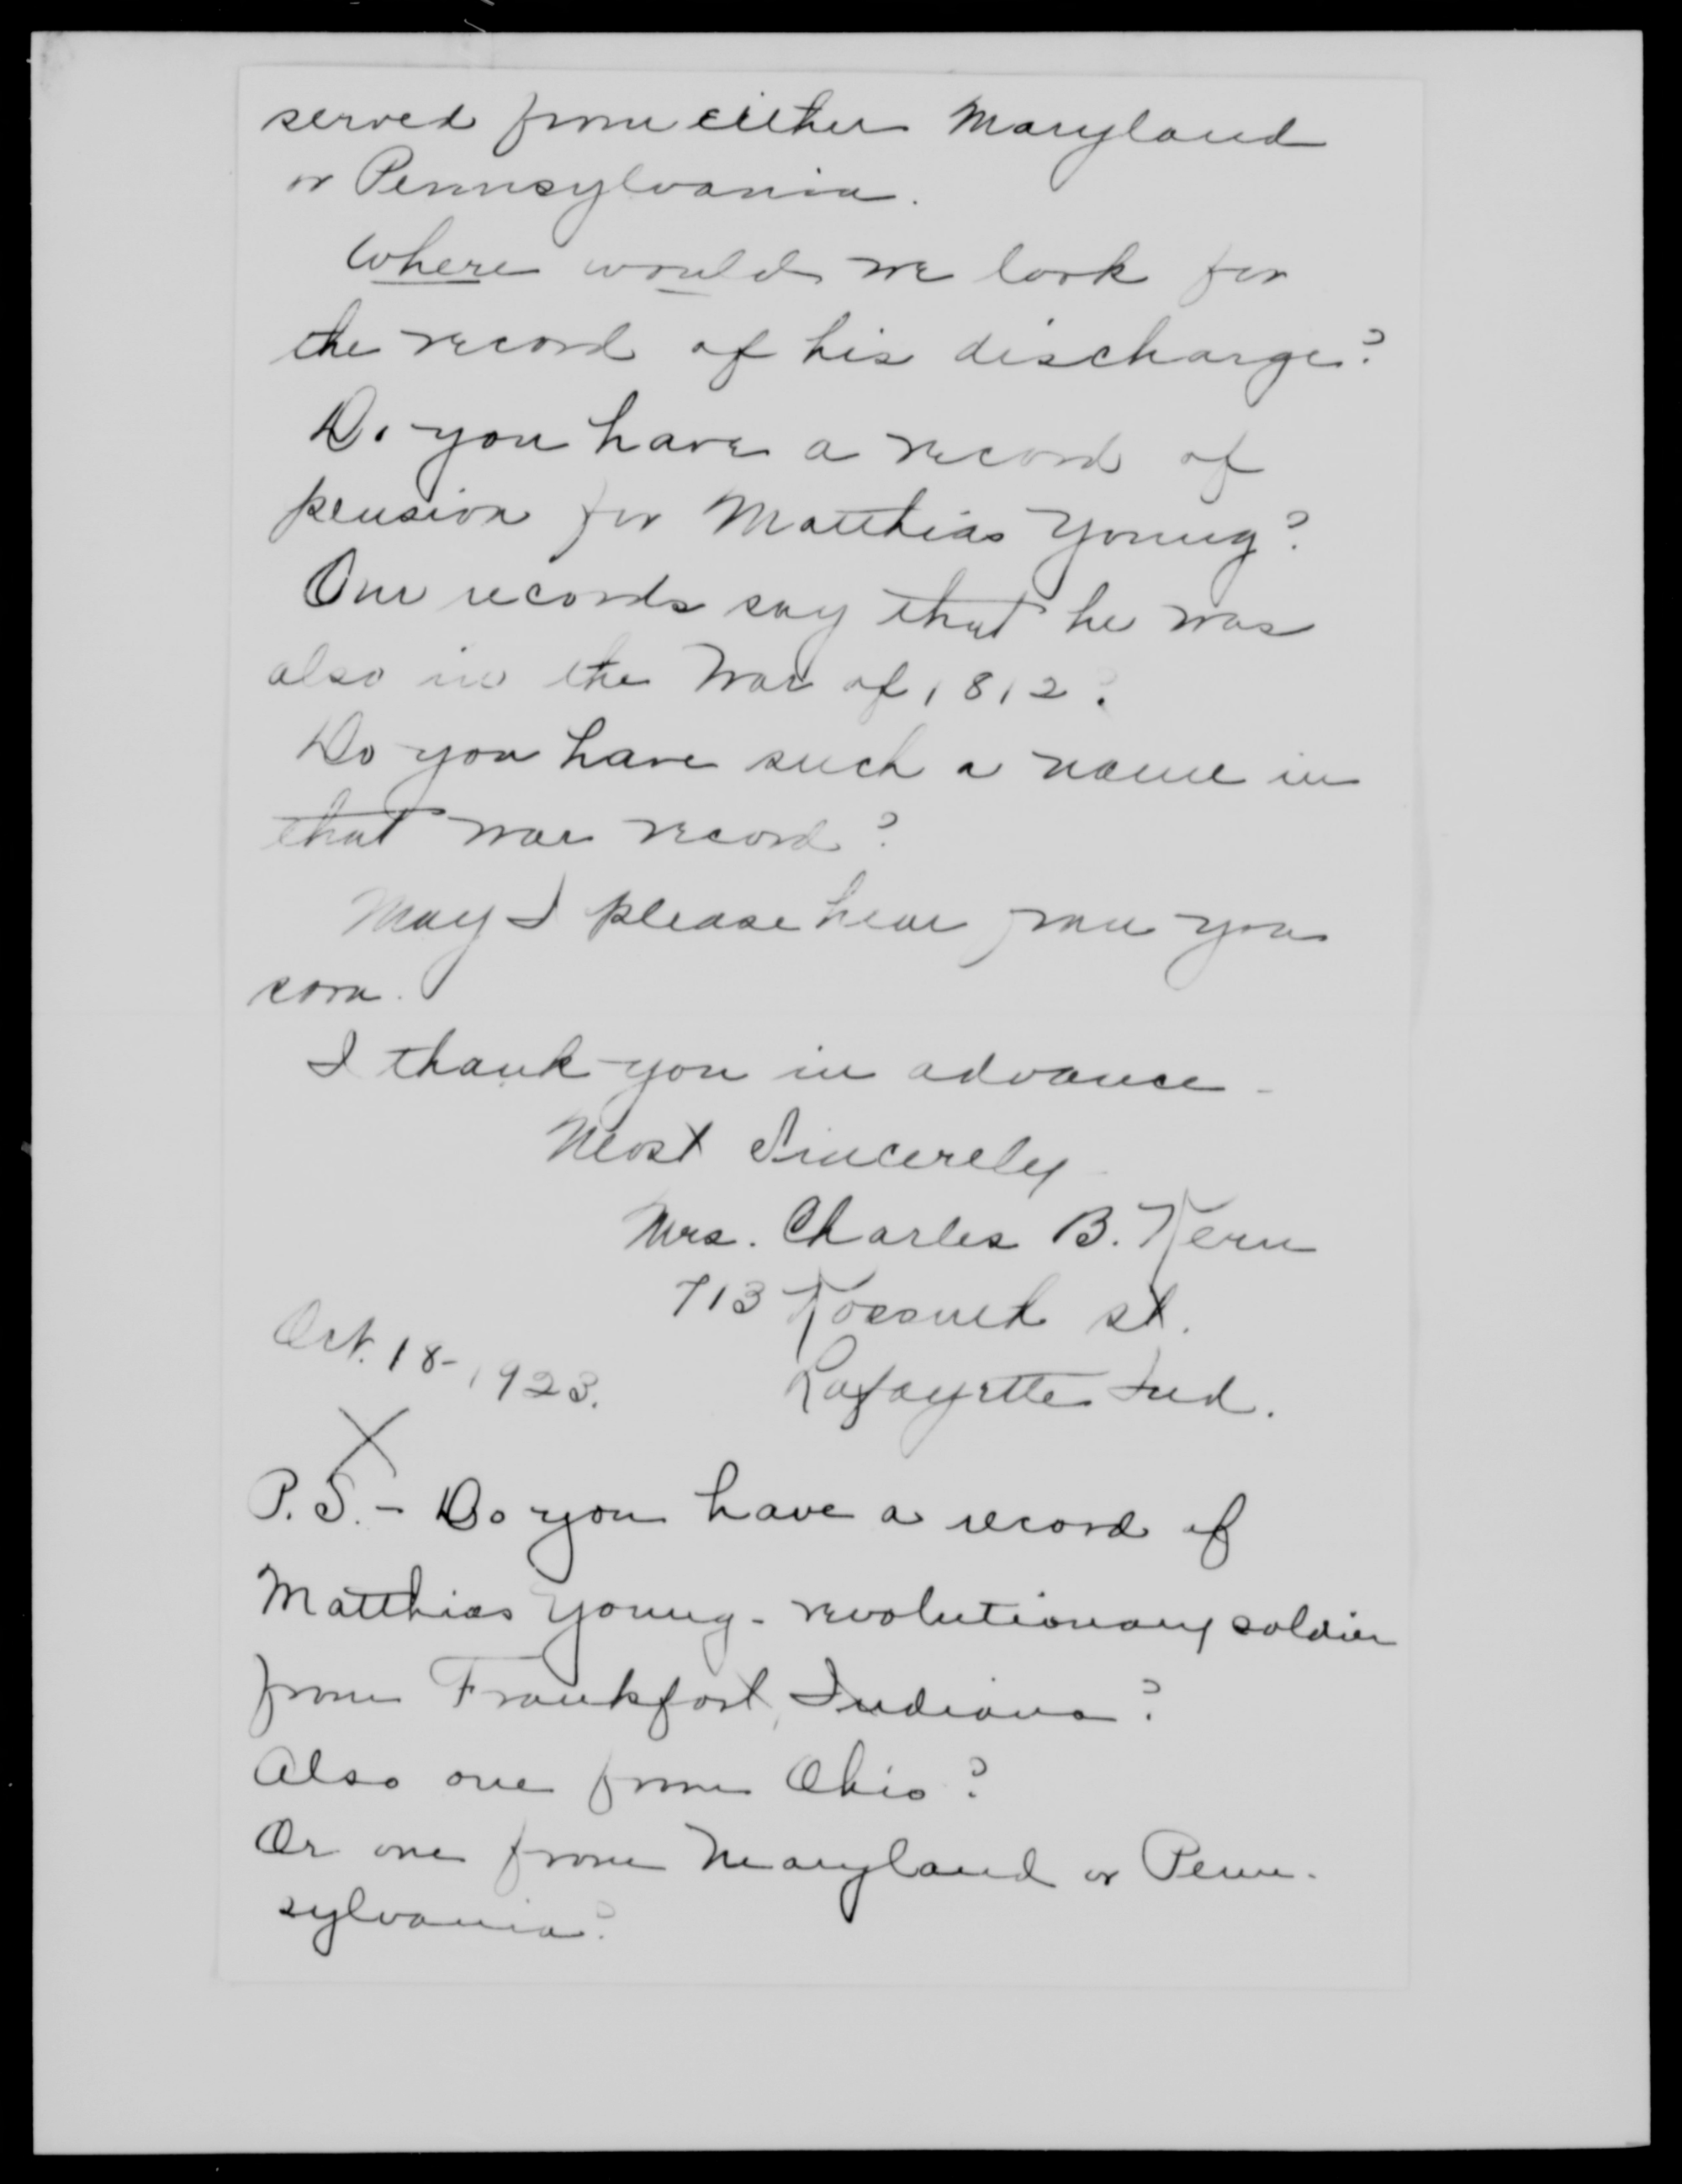served from either Maryland
or Pennsylvania.
Where would we look for
the record of his discharge?
Do you have a record of
pension for Matthias Young?
Our records say that he was
also in the War of 1812.
Do you have such a name in
that war record?
May I please hear from you
Soon
I thank you in advance
Most Sincerely
Mrs. Charles B. Kern
713 Kossuth st
Lafayette Ind
Oct. 18 - 1923
P.S. Do you have a record of
Matthias Young, Revolutionary soldier
from Frankfort, Indiana?
Also one from Ohio?
Or one from Maryland or Pennsylvania?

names: Charles B Kern, Matthias Young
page: 67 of 123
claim: rejected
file: R. 11,949, Matthias Young, Md.